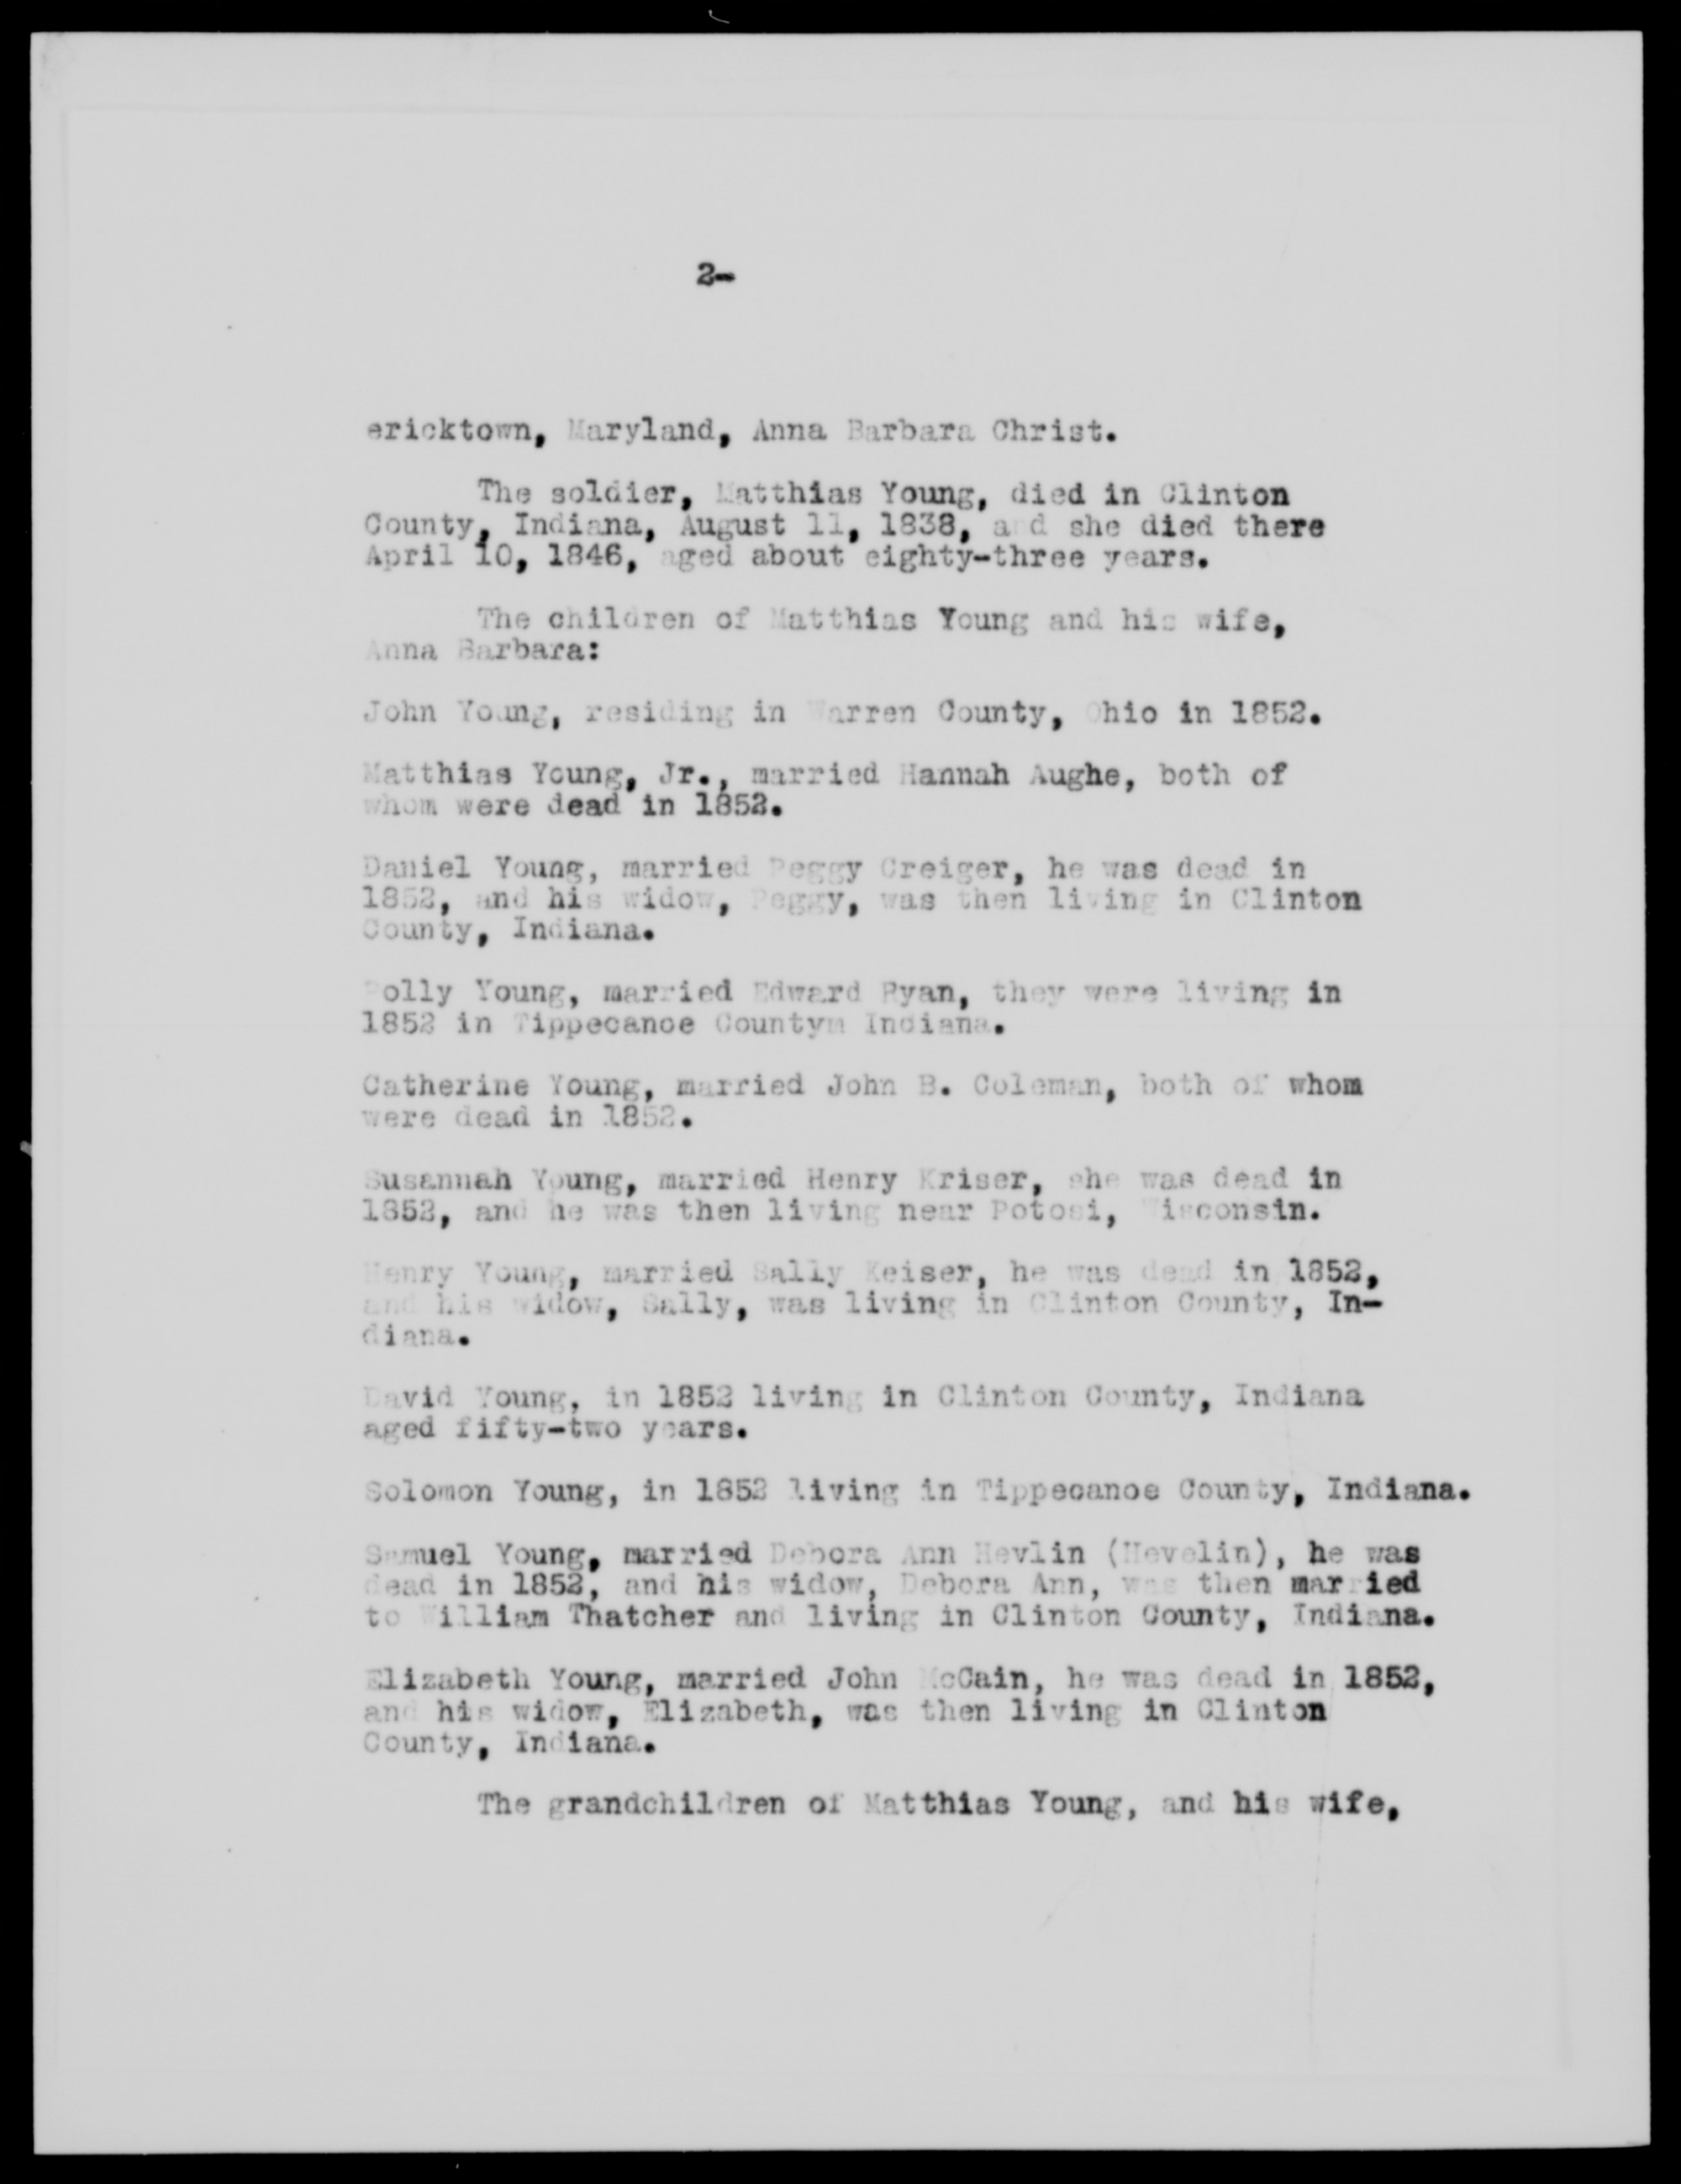2- 
Fredericktown, Maryland, Anna Barbara Christ. 

The sodier, Matthias Young died in Clinton County, Indiana,
August 11, 1838, and his widow, Anna Barbara Young, died there April 10, 1846, aged eighty-three years.

The children of Matthias Young, and his wife, Anna Barbara:

John Young, residing in Warren County, his
in 1852;
Matthias Young, Jr., married Hannah Aughe, both
of whom were dead, in 1852;
Daniel Young, married Peggy Creiger, he was dead
in 1852, and his widow, Peggy Young, was living then in Clinton County, Indiana
Polly Young, married Edward Ryan, they were living in 1852, in Tippecanoe County, Indiana
Catherine Young, married John B. Coleman, both
were dead in 1852;
Susannah Young, married Henry Kriser, she was dead in 1852, and he was living then near Potosi, Wisconsin;
Henry Young, married Sally Keiser, he was dead
in 1852, and his widow, Sally Young, was living then in Clinton County, Indiana.
David Young was fifty-two years old in 1852, then
living in Clinton County, Indiana
Solomon Young was a resident of Tippecanoe
County, Indiana, in 1852;
Samuel Young, married Debor Ann Havlin (Hevelin),
he was dead in 1852, and his widow, Debora Ann, was then married to William Thatcher and living in Clinton County, Indiana.
Elizabeth Young, married John McCain, he was dead
in 1852, and his widow, Elizabeth McCain, was then living in Clinton County, Indiana.

The grandchildren of Matthias Young, and his wife,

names: Anna Barbara Christ, Samuel Young, William Thatcher, Polly Young, Susannah Young, David Young, Debora Ann Hevelin, Sally Keiser, Catherine Young, John Young, Daniel Young, Henry Kriser, Henry Young, Matthias Young, Solomon Young, Peggy Creiger, John Mc Cain, Hannah Aughe, John B Coleman, Edward Ryan, Elizabeth Young, Debora Ann Hevlin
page: 44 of 123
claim: rejected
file: R. 11,949, Matthias Young, Md.